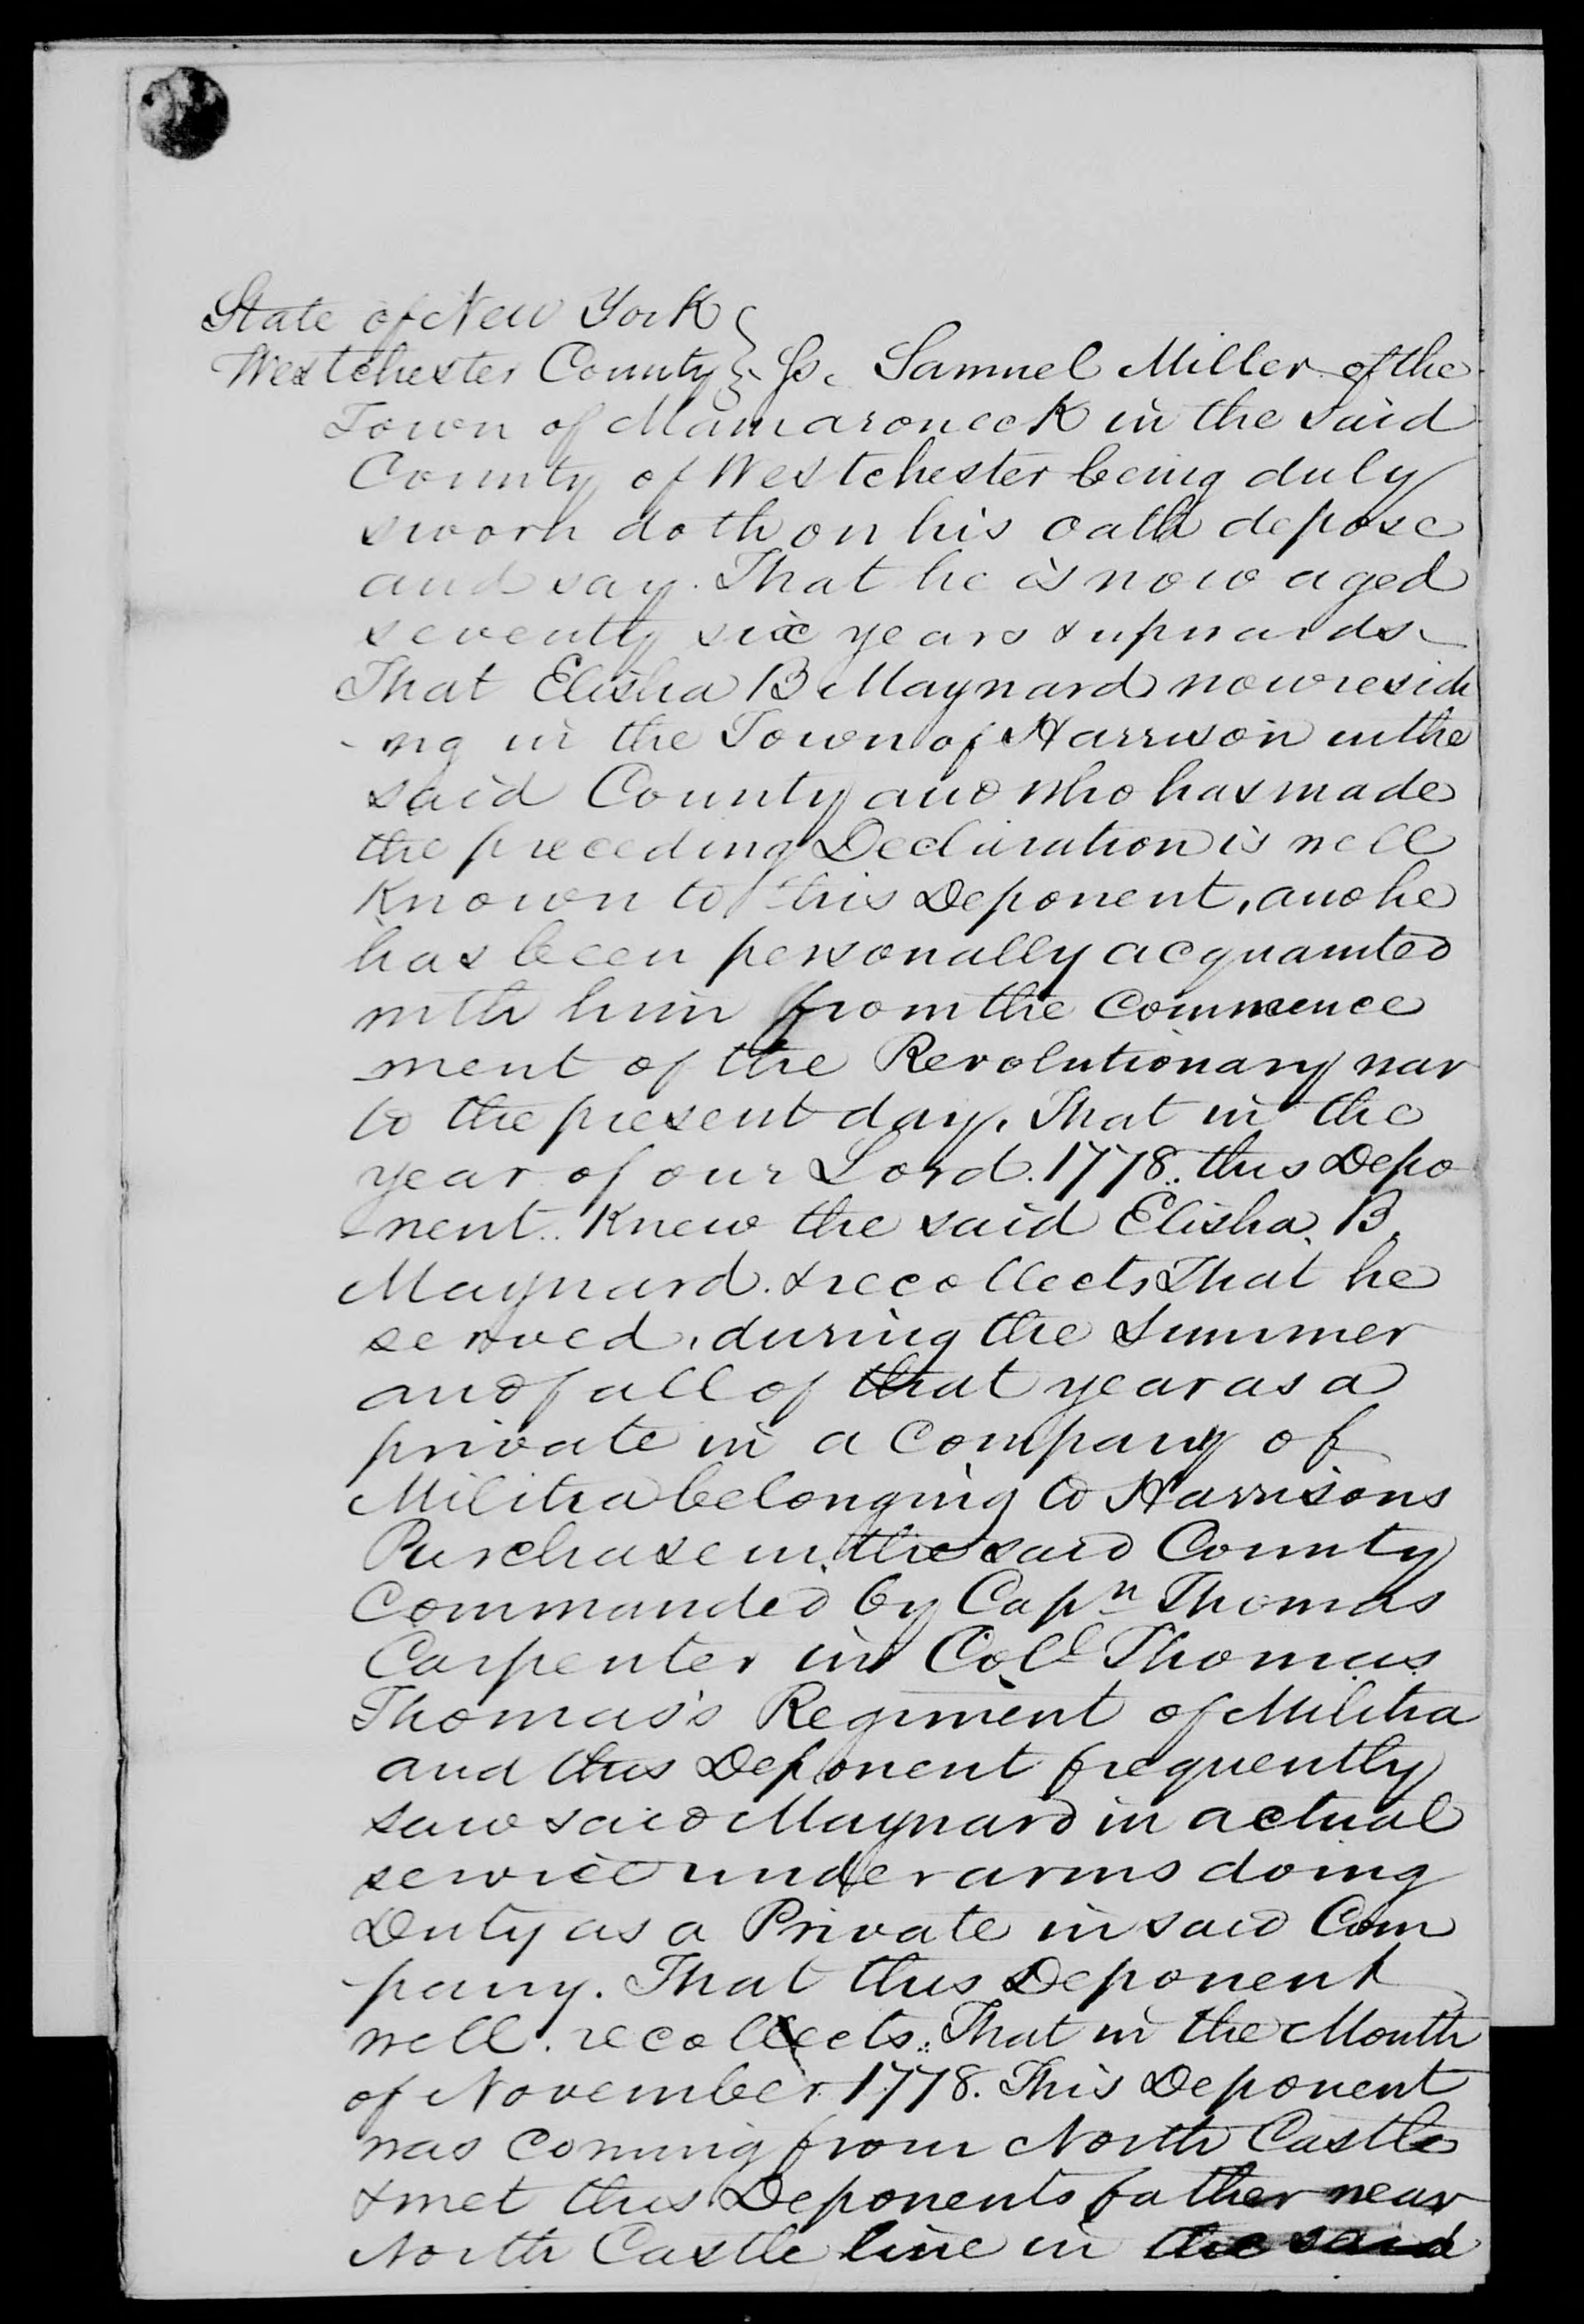State of New York} 
Westchester County] ss.  Samuel Miller of the Town of Mamaroneck in the said County of Westchester being duly sworn doth on his oath depose and say, That he is now aged seventy six years & upwards - That Elisha B Maynard now residing in the Town of Harrison in the said County and who has made the preceding Declaration is well Known to this Deponent, and he has been personally acquainted with him from the commencement of the Revolutionary war to the present day. That in the year of our Lord 1778 this Deponent knew the said Elisha B Maynard & recollects that he served during the Summer and all of that year as a private in a Company of Militia belonging to Harrisons Purchase in the said County commanded by Capt Thomas Carpenter in Col Thomas Thomas's Regiment of Militia and this Deponent frequently saw said Maynard in actual service under arms doing Duty as a Private in said Company. That this Deponent well recollects, That in the month of November 1778, This Deponent was coming from North Castle & met this Deponents father near North Castle line in the said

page: 29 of 33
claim: rejected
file: R. 7,063, for Elisha B Maynard, New York